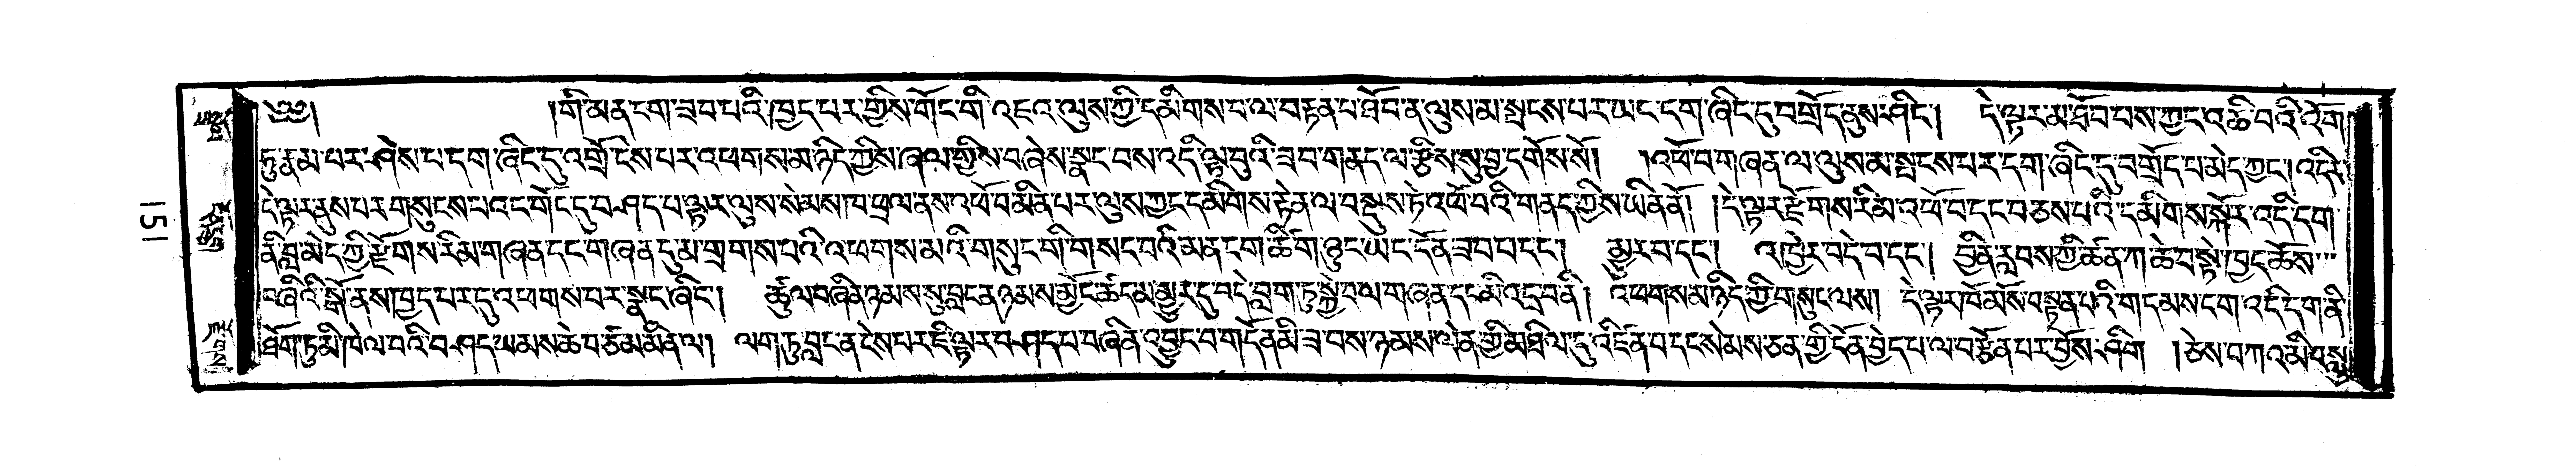༄༅། །གི་མན་ངག་ཟབ་པའི་ཁྱད་པར་གྱིས་གོང་གི་འཇའ་ལུས་ཀྱི་དམིགས་པ་ལ་བརྟན་པ་ཐོབ་ན་ལུས་མ་སྤངས་པར་ཡང་དག་ཞིང་དུ་བགྲོད་ནུས་ཤིང་། དེ་ལྟར་མ་ཐོབ་པས་ཀྱང་འཆི་བའི་འོག་
ཏུ་རྣམ་པར་ཤེས་པ་དག་ཞིང་དུ་འགྲོ་ངེས་པར་འཕགས་མ་ཉིད་ཀྱིས་ཞལ་གྱིས་བཞེས་སྣང་བས་འདི་ལྟ་བུའི་ཟབ་གནད་ལ་རྩིས་སུ་བྱ་དགོས་སོ། །འཕོ་བ་གཞན་ལ་ལུས་མ་སྤངས་པར་དག་ཞིང་དུ་བགྲོད་པ་མེད་ཀྱང་། འདིར་
དེ་ལྟར་ནུས་པར་གསུངས་པའང་གོང་དུ་བཤད་པ་ལྟར་ལུས་སེམས་ཁ་ཕྲལ་ནས་འཕོ་བ་མིན་པར་ལུས་ཀྱང་དམིགས་རྟེན་ལ་བསྡུས་ཏེ་འཕོ་བའི་གནད་ཀྱིས་ཡིན་ནོ། །དེ་ལྟར་རྫོགས་རིམ་འཕོ་བ་དང་བཅས་པའི་དམིགས་སྐོར་འདི་དག་
ནི་བླ་མེད་ཀྱི་རྫོགས་རིམ་གཞན་དང་གཞན་དུ་མ་གྲག་པའི་འཕགས་མའི་གསུང་གི་གསང་བའི་མན་ངག་ཚིག་ཉུང་ཡང་དོན་ཟབ་པ་དང་། མྱུར་བ་དང་། འཁྱེར་བདེ་བ་དང་། བྱིན་རླབས་ཀྱི་ཚན་ཁ་ཆེ་བ་སྟེ་ཁྱད་ཆོས་
བཞིའི་སྒོ་ནས་ཁྱད་པར་དུ་འཕགས་པར་སྣང་ཞིང་། ཚུལ་བཞིན་ཉམས་སུ་བླང་ན་ཉམས་མྱོང་ཚད་མ་མྱུར་དུ་བདེ་བླག་ཏུ་སྐྱེ་བ་ལ་གཞན་དང་མི་འདྲ་བ་ནི། འཕགས་མ་ཉིད་ཀྱི་གསུང་ལས། དེ་ལྟར་ཁོ་མོས་བསྟན་པའི་གདམས་ངག་འདི་དག་ནི་
ཐོག་ཏུ་མི་ཁེལ་བའི་བཤད་ཡམ་ཆེ་བ་ཙམ་མིན་ལ། ལག་ཏུ་བླང་ན་ངེས་པར་ཇི་ལྟར་བཤད་པ་བཞིན་འབྱུང་བར་གདོན་མི་ཟ་བས་ཉམས་ལེན་གྱི་མཐིལ་དུ་འཛིན་པ་དང་སེམས་ཅན་གྱི་དོན་བྱེད་པ་ལ་བརྩོན་པར་བྱོས་ཤིག །ཅེས་བཀའ་མི་སླུ་